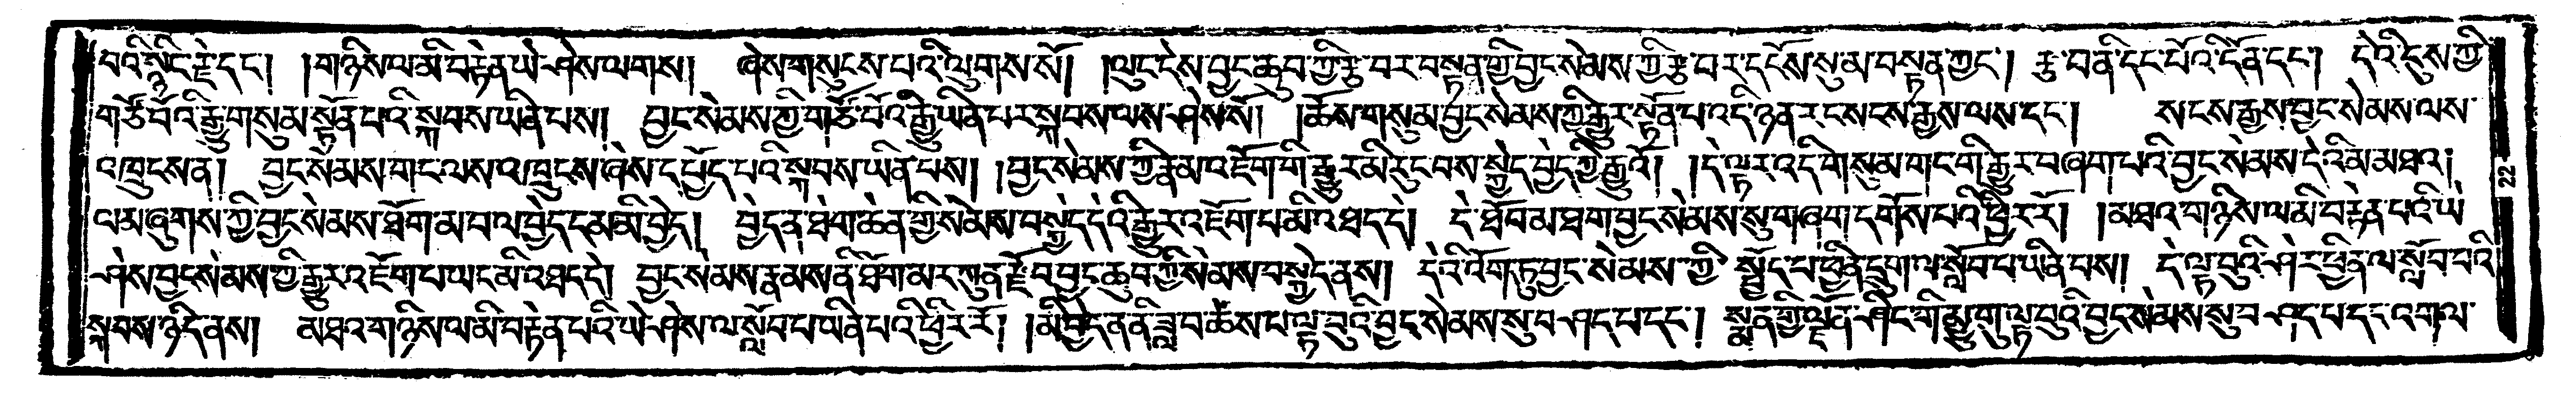པའི་སྙིང་རྗེ་དང་། །གཉིས་ལ་མི་བརྟེན་ཡེ་ཤེས་ལགས། ཞེས་གསུངས་པའི་ལུགས་སོ། །ལུང་དེས་བྱང་ཆུབ་ཀྱི་རྩ་བར་བརྟན་གྱི་བྱང་སེམས་ཀྱི་རྩ་བར་དངོས་སུ་མ་བསྟན་ཀྱང་། རྩ་བ་ནི་དང་པོའི་དོན་དང་། དེའི་དུས་ཀྱི་
གཙོ་བོའི་རྒྱུ་གསུམ་སྟོན་པའི་སྐབས་ཡིན་པས། བྱང་སེམས་ཀྱི་གཙོ་བོའི་རྒྱུ་ཡིན་པར་སྐབས་ལས་ཤེས་སོ། །ཆོས་གསུམ་བྱང་སེམས་ཀྱི་རྒྱུར་སྟོན་པ་འདི་ཉན་རང་སངས་རྒྱས་ལས་དང་། སངས་རྒྱས་བྱང་སེམས་ལས་
འཁྲུངས་ན། བྱང་སེམས་གང་ལས་འཁྲུངས་ཞེས་དཔྱོད་པའི་སྐབས་ཡིན་པས། བྱང་སེམས་ཀྱི་རྣམ་འཇོག་གི་རྒྱུར་མི་རུང་བས་སྐྱེད་བྱེད་ཀྱི་རྒྱུའོ། །དེ་ལྟར་འདི་གསུམ་གང་གི་རྒྱུར་བཞག་བའི་བྱང་སེམས་དེའི་མ་མཐའ།
ལམ་ཞུགས་ཀྱི་བྱང་སེམས་ཐོག་མ་པ་ལ་བྱེད་དམ་མི་བྱེད། བྱེད་ན་ཐེག་ཆེན་གྱི་སེམས་བསྐྱེད་དེའི་རྒྱུར་འཇོག་པ་མི་འཐད་དེ། དེ་ཐོབ་མ་ཐག་བྱང་སེམས་སུ་གཞག་དགོས་པའི་ཕྱིར་རོ། །མཐའ་གཉིས་ལ་མི་བརྟེན་པའི་ཡེ་
ཤེས་བྱང་སེམས་ཀྱི་རྒྱུར་འཇོག་པ་ཡང་མི་འཐད་དེ། བྱང་སེམས་རྣམས་ནི་ཐོག་མར་ཀུན་རྫོབ་བྱང་ཆུབ་ཀྱི་སེམས་བསྐྱེད་ནས། དེའི་འོག་ཏུ་བྱང་སེམས་ཀྱི་སྤྱོད་པ་ཕྱིན་དྲུག་ལ་སློབ་པ་ཡིན་པས། དེ་ལྟ་བུའི་ཤེར་ཕྱིན་ལ་སློབ་པའི་
སྐབས་ཉིད་ནས། མཐའ་གཉིས་ལ་མི་བརྟེན་པའི་ཡེ་ཤེས་ལ་སློབ་པ་ཡིན་པའི་ཕྱིར་རོ། །མི་བྱེད་ན་ནི་ཟླ་བ་ཚེས་པ་ལྟ་བུའི་བྱང་སེམས་སུ་བཤད་པ་དང་། སྨན་གྱི་ལྗོན་ཤིང་གི་མྱུ་གུ་ལྟ་བུའི་བྱང་སེམས་སུ་བཤད་པ་དང་འགལ་